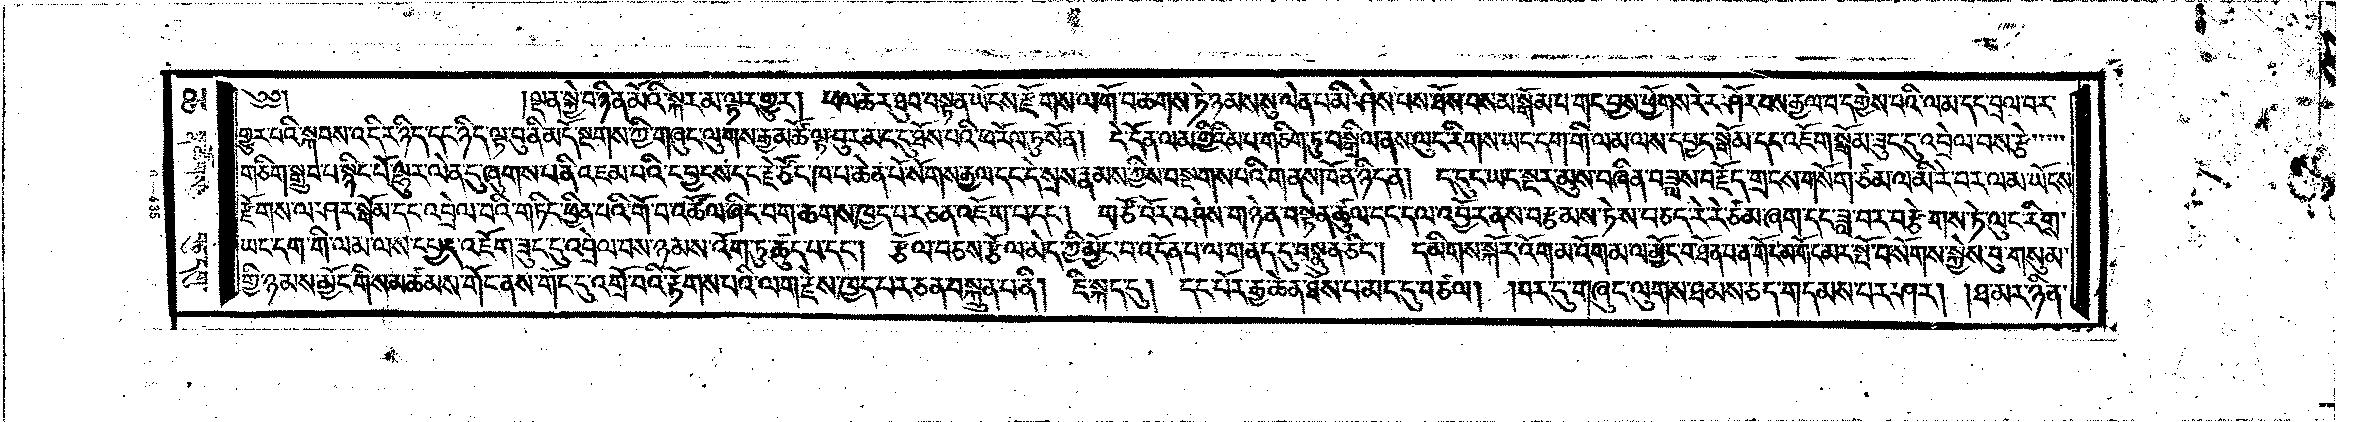༄༅། །ལྡན་སྐྱེ་བ་ཉིན་མོའི་སྐར་མ་ལྟར་གྱུར། ཕལ་ཆེར་ཐུབ་བསྟན་ཡོངས་རྫོགས་ལ་གོ་བ་ཆགས་ཏེ་ཉམས་སུ་ལེན་བ་མི་ཤེས་པས་ཐོས་བསམ་སྒོམ་པ་གང་བྱས་ཕྱོགས་རེར་ཤོར་བས་རྒྱལ་བ་དགྱེས་བའི་ལམ་དང་བྲལ་བར་
གྱུར་པའི་སྐབས་འདིར་ཉིད་དང་ཉིད་ལྟ་བུ་ནི་མདོ་སྔགས་ཀྱི་གཞུང་ལུགས་རྒྱ་མཚོ་ལྟ་བུར་མང་དུ་ཐོས་པའི་ཕ་རོལ་དུ་སོན། དེ་དོན་ལམ་གྱི་རིམ་པ་གཅིག་ཏུ་བསྒྲིལ་ནས་ལུང་རིགས་ཡང་དག་གི་ལམ་ལས་དཔྱད་སྒོམ་དང་འཇོག་སྒོམ་ཟུང་དུ་འབྲེལ་བས་རྩེ་
གཅིག་སྒྲུབ་པ་སྙིང་པོ་ལྷུར་ལེན་དུ་ཞུགས་པ་ནི་འཇམ་པའི་དབྱངས་དང་རྗེ་ཙོང་ཁ་པ་ཆེན་པོ་སོགས་རྒྱལ་དང་དེ་སྲས་རྣམས་ཀྱིས་བསྔགས་པའི་གནས་ཁོ་ན་ཉིད་ན། ད་དུང་ཡང་སྔར་མུས་བཞིན་བཟླས་བརྗོད་གྲངས་གསོག་ཙམ་ལ་མི་རེ་བར་ལམ་ཡོངས་
རྫོགས་ལ་ཤར་སྒོམ་དང་འབྲེལ་བའི་གཏིང་ཕྱིན་པའི་གོ་བ་འཚོལ་ཞིང་བག་ཆགས་ཁྱད་པར་ཅན་འཇོག་པ་དང་། གཙོ་བོར་བཤེས་གཉེན་བསྟེན་ཚུལ་དང་དལ་འབྱོར་ནས་བརྩམས་ཏེ་ས་བཅད་རེ་རེ་ཙམ་ཞག་དང་ཟླ་བར་བརྩེགས་ཏེ་ལུང་རིགས་
ཡང་དག་གི་ལམ་ལས་དཔྱད་འཇོག་ཟུང་དུ་འབྲེལ་བས་ཉམས་འོག་ཏུ་ཚུད་པ་དང་། རྩོལ་བཅས་རྩོལ་མེད་ཀྱི་མྱོང་བ་འདོན་པ་ལ་གནད་དུ་བསྣུན་ཅིང་། དམིགས་སྐོར་འོག་མ་འོག་མ་ལ་མྱོང་བ་ཐོན་པ་ན་གོང་མ་གོང་མར་སྤོ་བ་སོགས་སྐྱེས་བུ་གསུམ་
གྱི་ཉམས་མྱོང་གི་ས་མཚམས་གོང་ནས་གོང་དུ་འགྲོ་བའི་རྟོགས་པའི་ལག་རྗེས་ཁྱད་པར་ཅན་བསྐྲུན་པ་ནི། ཇི་སྐད་དུ། དང་པོར་རྒྱ་ཆེན་ཐོས་པ་མང་དུ་བཙལ། །བར་དུ་གཞུང་ལུགས་ཐམས་ཅད་གདམས་པར་ཤར། །ཐ་མར་ཉིན་